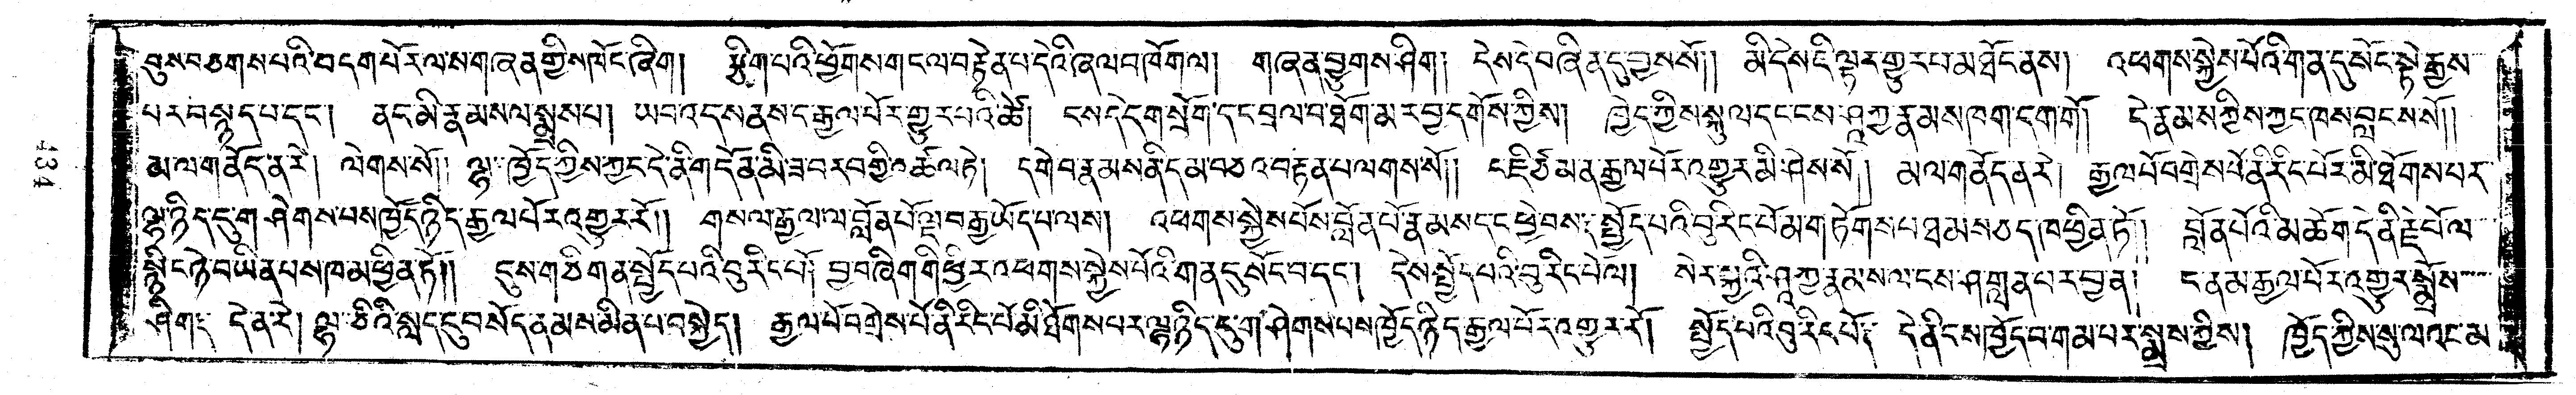བུས་བཅགས་པའི་བདག་པོར་ལ་ས་གཞན་གྱིས་ཁོང་ཞིག། རྩིག་པའི་ཕྱོགས་གང་ལ་བརྟེན་པ་དེའི་ཞལ་བ་ཁོག་ལ། གཞན་བྱུགས་ཤིག། དེས་དེ་བཞིན་དུ་བྱས་སོ།། མི་དེས་ཇི་ལྟར་གྱུར་པ་མཐོང་ནས། འཕགས་སྐྱེས་པོའི་གན་དུ་སོང་སྟེ་རྒྱས་
པར་བསྙད་པ་དང་། ནང་མི་རྣམས་ལ་སྨྲས་པ། ཡབ་འདས་ནས་ང་རྒྱལ་པོར་གྱུར་པའི་ཚེ། ངས་དེ་དག་སྲོག་དང་བྲལ་བ་ཐོག་མར་བྱ་དགོས་ཀྱིས། ཁྱེད་ཀྱིས་སྐུལ་དང་ངས་ཤཱཀྱ་རྣམས་ཁག་དག་གོ། དེ་རྣམས་ཀྱིས་ཀྱང་ཁས་བླངས་སོ།།
མ་ལ་གནོད་ན་རེ། ལེགས་སོ།། ལྷ་ཁྱོད་ཀྱིས་ཀྱང་དེ་ནི་གདོན་མི་ཟ་བར་བགྱི་འཚལ་ཏེ། དགེ་བ་རྣམས་ནི་དམ་བཅའ་བརྟན་པ་ལགས་སོ།། ང་ཇི་ཙམ་ན་རྒྱལ་པོར་འགྱུར་མི་ཤེས་སོ།། མལ་གནོད་ན་རེ། རྒྱལ་པོ་བགྲེས་པོ་ནི་རིང་པོར་མི་ཐོགས་པར་
ལྷ་ཉིད་དུ་གཤེགས་པས་ཁྱོད་ཉིད་རྒྱལ་པོར་འགྱུར་རོ། །གསལ་རྒྱལ་ལ་བློན་པོ་ལྔ་བརྒྱ་ཡོད་པ་ལས། འཕགས་སྐྱེས་པོས་བློན་པོ་རྣམས་དང་ཕྱེ་བས༑ སྤྱོད་པའི་བུ་རིང་པོ་མ་གཏོགས་པ་ཐམས་ཅད་ཁ་ཕྱིན་ཏོ།། བློན་པོའི་མཆོག་དེ་ནི་རྗེ་པོ་ལ་
སྙིང་ཉེ་བ་ཡིན་པས་ཁ་མ་ཕྱིན་ཏོ།། དུས་གཅིག་ན་སྤྱོད་པའི་བུ་རིང་པོ། བྱ་བ་ཞིག་གི་ཕྱིར་འཕགས་སྐྱེས་པོའི་གན་དུ་སོང་བ་དང་། དེས་སྤྱོད་པའི་བུ་རིང་པོ་ལ། སེར་སྐྱའི་ཤཱཀྱ་རྣམས་ལ་ངས་ཤ་གླན་པར་བྱ་ན། ང་ནམ་རྒྱལ་པོར་འགྱུར་སྨྲོས་
ཤིག༑ དེ་ན་རེ། ལྷ་ཅིའི་སླད་དུ་བསོད་ནམས་མིན་པ་བསྐྱེད། རྒྱལ་པོ་བསྒྲེས་པོ་ནི་རིང་པོ་མི་ཐོགས་པར་ལྷ་ཉིད་དུ་གཤེགས་པས་ཁྱོད་ཉིད་རྒྱལ་པོར་འགྱུར་རོ། །སྤྱོད་པའི་བུ་རིང་པོ༑ དེ་ནི་ངས་ཁྱོད་བ་གམ་པར་སྨྲས་ཀྱིས། ཁྱོད་ཀྱིས་སུ་ལའང་མ་